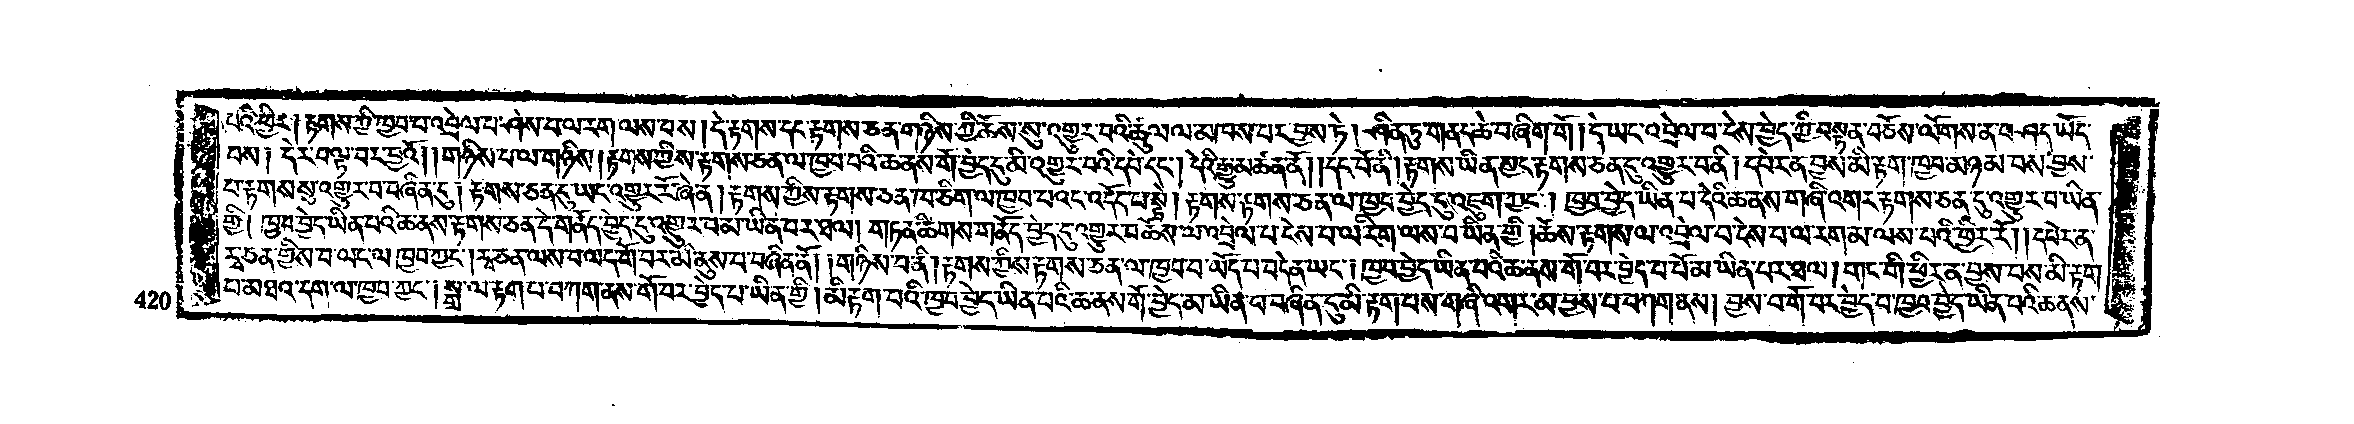པའི། རྟགས་ཀྱི་ཁྱབ་པ་འབྲེལ་པ་ཤེས་པ་ལ་རག་ལས་པས། དེ་རྟགས་དང་རྟགས་ཅན་གཉིས་ཀྱི་ཆོས་སུ་འགྱུར་པའི་ཚུལ་ལ་མཁས་པར་བྱས་ཏེ། ཤིན་ཏུ་གནད་ཆེ་བ་ཞིག་གོ། །དེ་ཡང་འབྲེལ་པ་ངེས་བྱེད་ཀྱི་བསྟན་བཅོས་ལོགས་ན་བཤད་ཡོད་
པས༑ དེར་བལྟ་བར་བྱའོ། །གཉིས་པ་ལ་གཉིས། རྟགས་ཀྱིས་རྟགས་ཅན་ལ་ཁྱབ་པའི་ཆ་ནས་གོ་བྱེད་དུ་མི་འགྱུར་བའི་དཔེ་དང་། དེའི་རྒྱུ་མཚན་ནོ། །དང་པོ་ནི། རྟགས་ཡིན་ཀྱང་རྟགས་ཅན་དུ་འགྱུར་བ་ནི། དཔེར་ན་བྱས་མི་རྟག་ཁྱབ་མཉམ་པས་བྱས་
པ་རྟགས་སུ་འགྱུར་བ་བཞིན་དུ། རྟགས་ཅན་དུ་ཡང་འགྱུར་རོ་ཞེ་ན། རྟགས་ཀྱིས་རྟགས་ཅན་ལ་ཁྱབ་པའང་འདོད་པ་སྟེ། རྟགས་རྟགས་ཅན་ལ་ཁྱབ་བྱེད་དུ་འཇུག་ཀྱང་། ཁྱབ་བྱེད་ཡིན་པ་དེའི་ཆ་ནས་གཞི་འགར་རྟགས་ཅན་དུ་འགྱུར་བ་ཡིན་
གྱི༑ ཁྱབ་བྱེད་ཡིན་པའི་ཆ་ནས་རྟགས་ཅན་དེ་གནོད་བྱེད་དུ་འགྱུར་བ་མ་ཡིན་པར་ཐལ། གཏན་ཚིགས་གནོད་བྱེད་དུ་འགྱུར་བ་ཆོས་ལ་འབྲས་པ་ངེས་པ་ལ་རིག་ལས་པ་ཡིན་གྱི། ཆོས་རྟགས་ལ་འབྲས་བ་ངེས་པ་ལ་རག་མ་ལས་པའི་ཕྱིར་རོ། །དཔེར་ན་
རVཨ་ཅན་གྱིས་བ་ལང་ལ་ཁྱབ་ཀྱང་། རVཨ་ཅན་ལས་བ་ལང་གོ་བར་མི་ནུས་པ་བཞི་ནོ། །གཉིས་པ་ནི། རྟགས་ཀྱིས་རྟགས་ཅན་ལ་ཁྱབ་པ་ཡོད་པ་བདེན་ཡང་། ཁྱབ་བྱེད་ཡིན་པའི་ཆ་ནས་གོ་བར་བྱེད་པ་པོ་མ་ཡིན་པར་ཐལ། གང་གི་ཕྱིར་ན་བྱས་པས་མི་རྟག་
པ་མཐའ་དག་ལ་ཁྱབ་ཀྱང་། སྒྲ་ལ་རྟག་པ་བཀག་ནས་གོ་བར་བྱེད་པ་ཡིན་གྱི། མི་རྟག་པའི་ཁྱབ་བྱེད་ཡིན་གྱི། མི་རྟག་པའི་ཁྱབ་བྱེད་ཡིན་པའི་ཆ་ནས་གོ་བྱེད་མ་ཡིན་པ་བཞིན་དུ་མི་རྟག་པས་གཞི་འགར་མ་བྱས་པ་བཀག་ནས། བྱས་བ་གོ་བར་བྱེད་པ་ཁྱབ་བྱེད་ཡིན་པའི་ཆ་ནས་